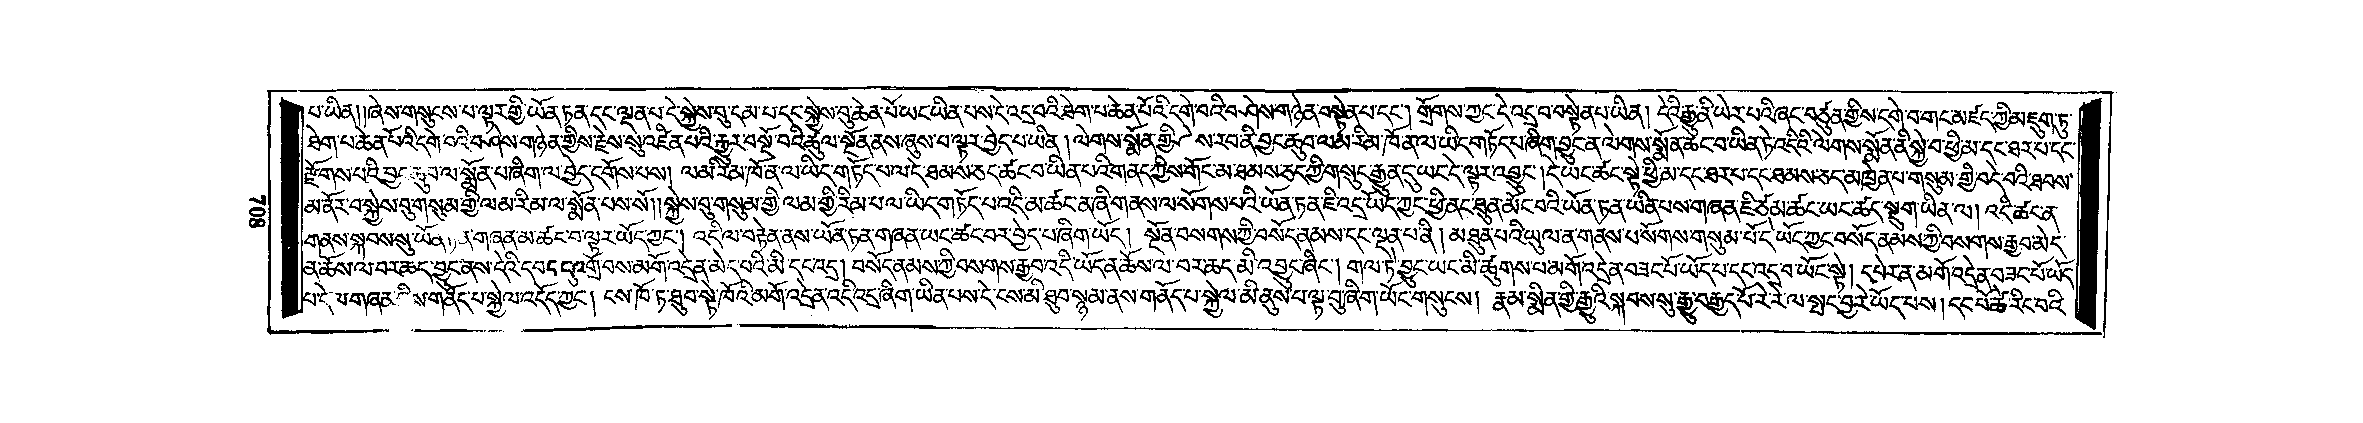པ་ཡིན། །ཞེས་གསུངས་པ་ལྟར་གྱི་ཡོན་ཏན་དང་ལྡན་པ་དེ་སྐྱེས་བུ་དམ་པ་དང་སྐྱེས་བུ་ཆེན་པོ་ཡང་ཡིན་པས་དེ་འདྲ་བའི་ཐེག་པ་ཆེན་པོའི་དགེ་བའི་བཤེས་གཉེན་བསྟེན་པ་དང་། གྲོགས་ཀྱང་དེ་འདྲ་བ་བསྟེན་པ་ཡིན། དེའི་རྒྱུ་ནི་ཡེར་པའི་ཞང་བཙུན་གྱིས་དགེ་བ་གང་མཛད་ཀྱི་མཇུག་ཏུ་
ཐེག་པ་ཆེན་པོའི་དགེ་བའི་བཤེས་གཉེན་གྱིས་རྗེས་སུ་འཛིན་པའི་རྒྱུར་བསྔོ་བའི་ཚུལ་སྔོན་ནས་ཞུས་པ་ལྟར་བྱེད་པ་ཡིན། ལེགས་སྨོན་གྱི་ཤེས་རབ་ནི་བྱང་ཆུབ་ལམ་རིམ་ཁོ་ན་ལ་ཡིད་གཏོད་པ་ཞིག་བྱུང་ན་ལེགས་སྨོན་ཆང་བ་ཡིན་ཏེ་འདིའི་ལེགས་སྨོན་ནི་སྐྱེ་བ་ཕྱི་མ་དང་ཐར་པ་དང་
རྫོགས་པའི་བྱང་ཆུབ་ལ་སྨོན་པ་ཞིག་ལ་བྱེད་དགོས་པས། ལམ་རིམ་ཁོ་ན་ལ་ཡིད་གཏོད་པ་ལ་དེ་ཐམས་ཅད་ཚང་བ་ཡིན་པའི་གནད་ཀྱིས་གོང་མ་ཐམས་ཅད་ཀྱི་གསུང་རྒྱུན་དུ་ཡང་དེ་ལྟར་འབྱུང་། དེ་ཡང་ཚང་སྟེ་ཕྱི་མ་དང་ཐར་པ་དང་ཐམས་ཅད་མཁྱེན་པ་གསུམ་གྱི་བདེ་བའི་ཐབས་
མ་ནོར་བ་སྐྱེས་བུ་གསུམ་གྱི་ལམ་རིམ་ལ་སྨོན་པས་སོ། །སྐྱེས་བུ་གསུམ་གྱི་ལམ་གྱི་རིམ་པ་ལ་ཡིད་གཏོད་པ་འདི་མ་ཚང་ན་ཞི་གནས་ལ་སོགས་པའི་ཡོན་ཏན་ཇི་འདྲ་ཡོད་ཀྱང་ཕྱི་ནང་ཐུན་མོང་བའི་ཡོན་ཏན་ཡིན་པས་གཞན་ཇི་ཙམ་ཚང་ཡང་ཚད་སྡུག་ཡིན་ལ། འདི་ཚང་ན་
གནས་སྐབས་སུ་ཡོན་ཏན་གཞན་མ་ཚང་བ་ལྟར་ཡོད་ཀྱང་། འདི་ལ་བརྟེན་ནས་ཡོན་ཏན་གཞན་ཡང་ཚང་བར་བྱེད་པ་ཞིག་ཡོད། སྔོན་བསགས་ཀྱི་བསོད་ནམས་དང་ལྡན་པ་ནི། མཐུན་པའི་ཡུལ་ན་གནས་པ་སོགས་གསུམ་པོ་དེ་ཡོད་ཀྱང་བསོད་ནམས་ཀྱི་བསགས་རྒྱབ་མེད་
ན་ཆོས་ལ་བར་ཆད་བྱུང་ནས་དེའི་དབང་དུ་འགྲོ་བས་མགོ་འདྲེན་མེད་པའི་མི་དང་འདྲ། བསོད་ནམས་ཀྱི་བསགས་རྒྱབ་འདི་ཡོད་ན་ཆོས་ལ་བར་ཆད་མི་འབྱུང་ཞིང་། གལ་ཏེ་བྱུང་ཡང་མི་ཚུགས་པ་མགོ་འདྲེན་བཟང་པོ་ཡོད་པ་དང་འདྲ་བ་ཡོང་སྟེ། དཔེར་ན་མགོ་འདྲེན་བཟང་པོ་ཡོད་
པ་དེ་ལ་གཞན་གྱིས་གནོད་པ་སྐྱེལ་འདོད་ཀྱང་། ངས་ཁོ་ཏ་ཐུབ་སྟེ་ཁོའི་མགོ་འདྲེན་འདི་འདྲ་ཞིག་ཡིན་པས་དེ་ངས་མི་ཐུབ་སྙམ་ནས་གནོད་པ་སྐྱེལ་མི་ནུས་པ་ལྟ་བུ་ཞིག་ཡོང་གསུངས། རྣམ་སྨིན་གྱི་རྒྱུའི་སྐབས་སུ་རྒྱུ་བརྒྱད་པོ་རེ་རེ་ལ་སྤང་བྱ་རེ་ཡོད་པས། དང་པོ་ཚེ་རིང་བའི་